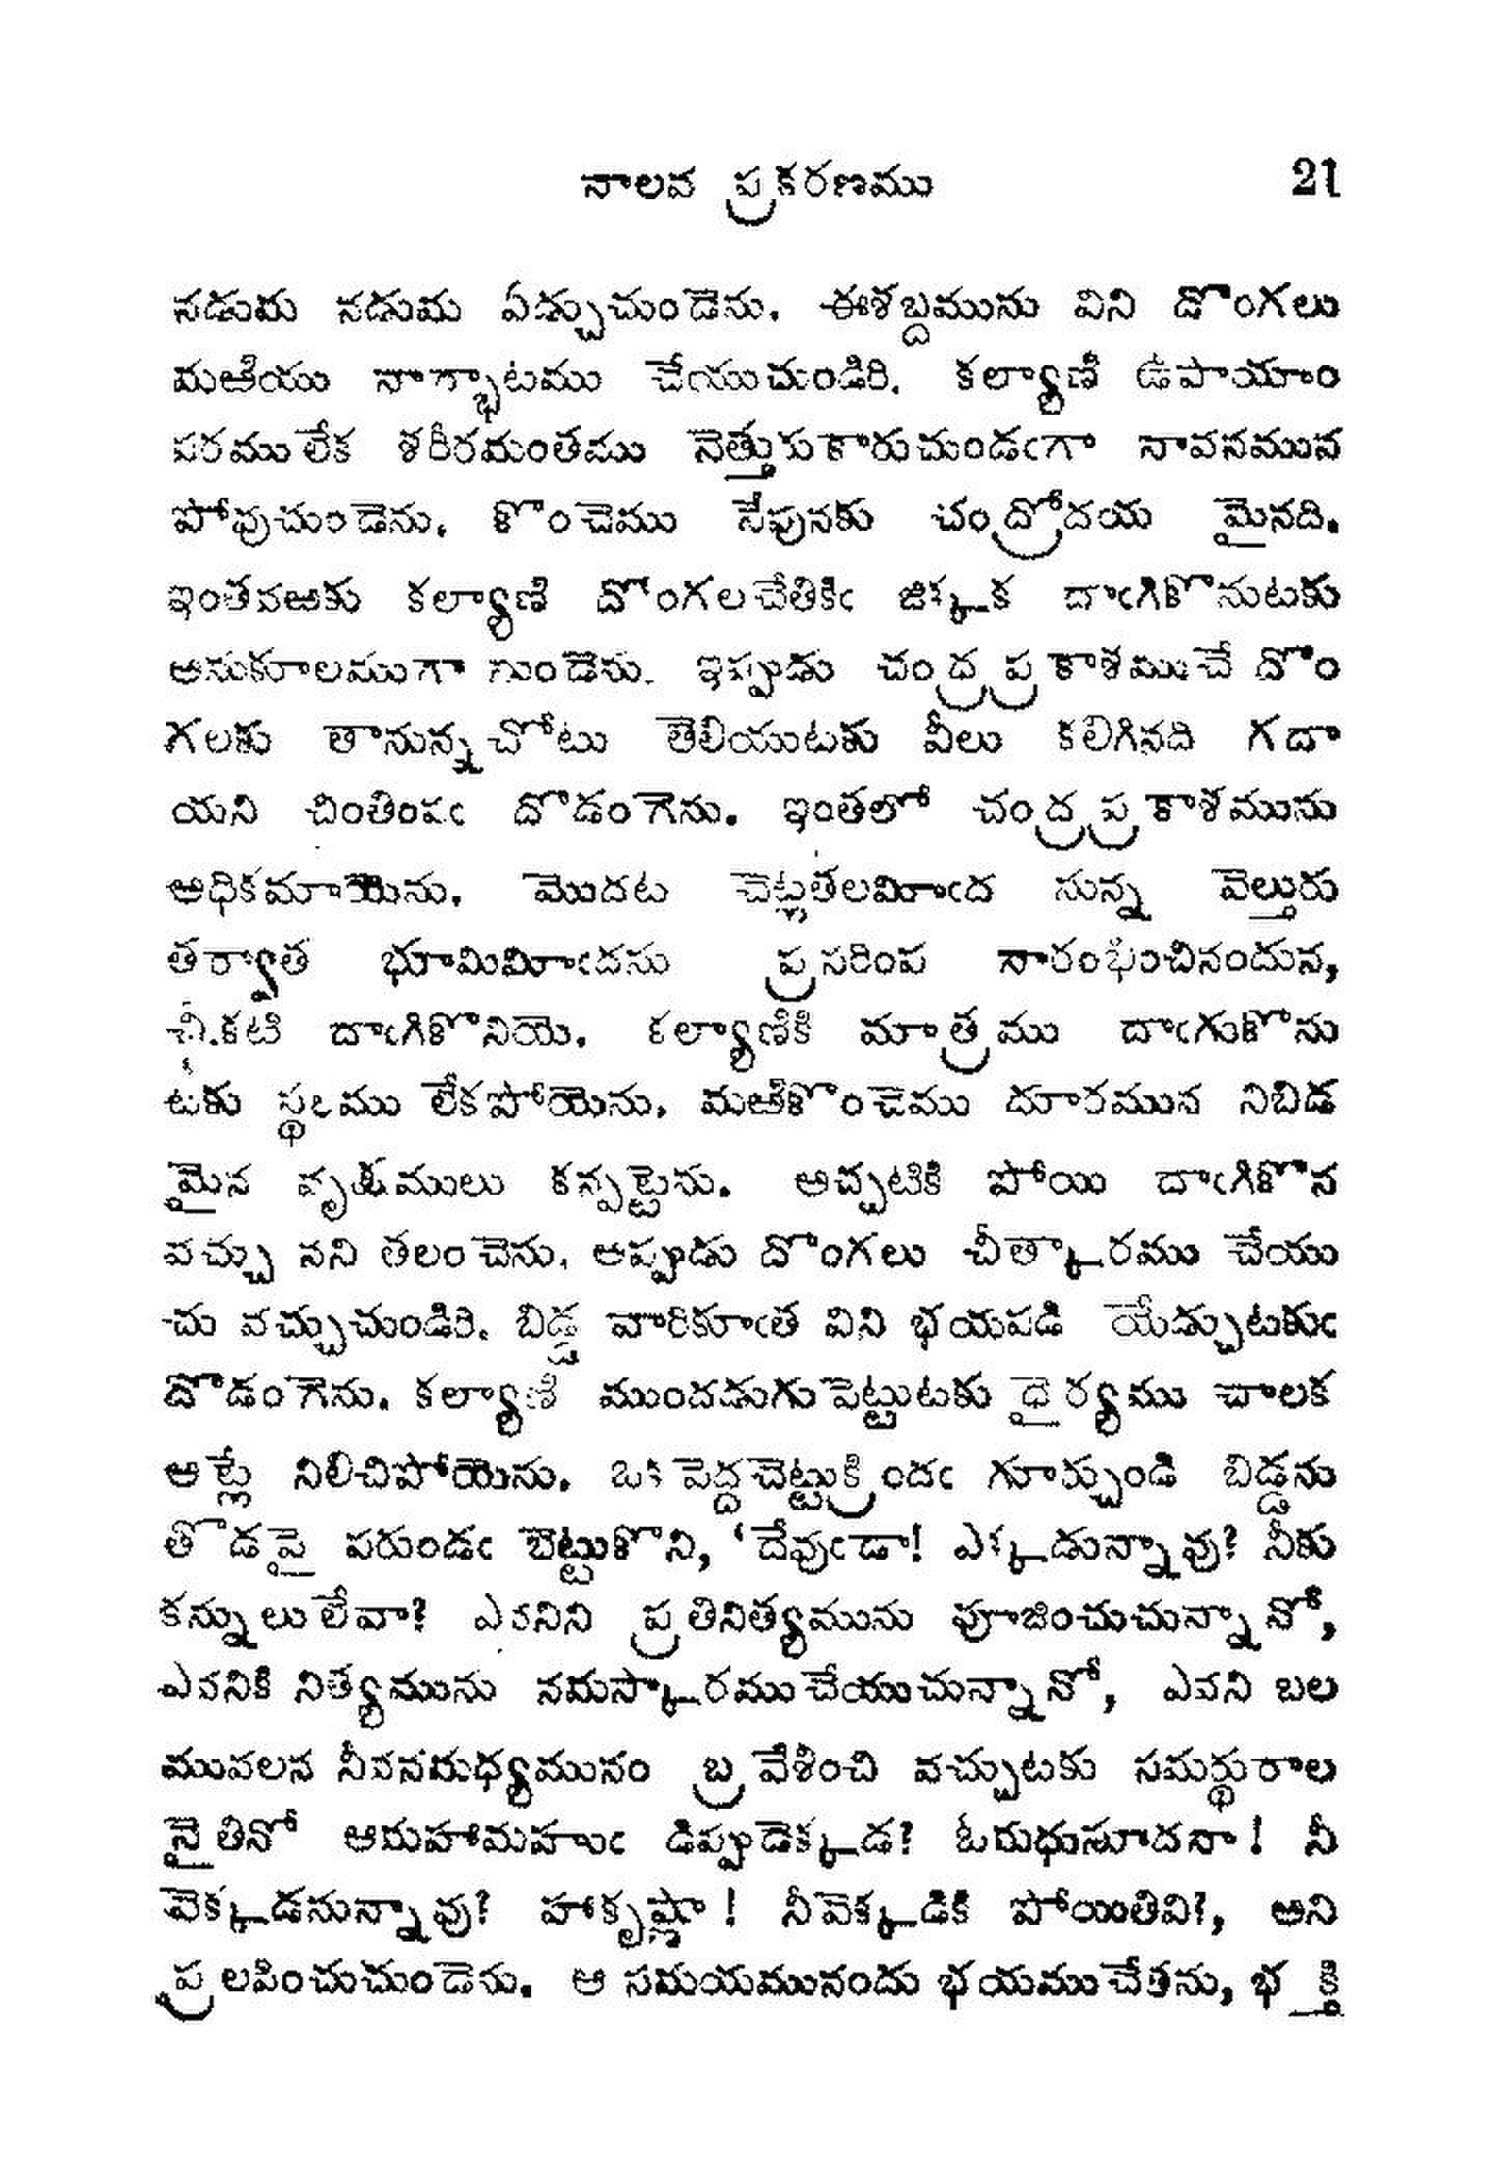నడుము నడుమ ఏడ్చుచుండెను, ఈశబ్దమును విని దొంగలు మఱియు నార్భాటము చేయుచుండిరి. కల్యాణి ఉపాయాంపరము లేక శరీరమంతము నెత్తుకు కారుచుండఁగా నావనమున పోవుచుండెను. కొంచెము సేపునకు చంద్రోదయ మైనది. ఇంతవఱకు కల్యాణి దొంగల చేతికిఁ జిక్కక దాఁగికొనుటకు అనుకూలముగా నుండెను. ఇప్పుడు చంద్రప్రకాశముచే దొంగలకు తానున్న చోటు తెలియుటకు వీలు కలిగినది. గదా యని చింతింపఁ దొడంగెను. ఇంతలో చంద్ర ప్రకాశమును అధికమాయెను, మొదట చెట్లతలమీఁద నున్న వెల్తురు
తర్వాత భూమిమీఁదను ప్రసరింప నారంభించినందున, చీకటి దాఁగికొనియె. కల్యాణికి మాత్రము దాఁగుకొనుటకు స్థలము లేక పోయెను, మణికొంచెము దూరమున నిబిడమైన వృక్షములు కన్పట్టెను. అచ్చటికి పోయి దాఁగికొన వచ్చునని తలంచెను, అప్పుడు దొంగలు చీత్కారము చేయుచు వచ్చుచుండిరి. బిడ్డ వారికూఁత విని భయపడి యేడ్చుటకుఁ దొడంగెను. కల్యాణి ముందడుగు పెట్టుటకు ధైర్యము చాలక అట్లే నిలిచిపోయెను. ఒక పెద్ద చెట్టుక్రిందఁ గూర్చుండి బిడ్డను తొడపై పరుండఁ బెట్టుకొని, “దేవుఁడా! ఎక్కడున్నావు? నీకు
కన్నులు లేవా? ఎవనిని ప్రతినిత్యమును పూజించుచున్నానో, ఎవనికి నిత్యమును నమస్కారము చేయుచున్నానో, ఎవని బలమువలన నీవనమధ్యమునం బ్రవేశించి వచ్చుటకు సమర్థురాల నైతినో ఆమహామహుఁ డిప్పుడెక్కడ! ఓమధుసూదనా ! నీవెక్కడనున్నావు! హాకృష్ణా ! నీవెక్కడికి పోయితివి?, అని ప్రలపించుచుండెను, ఆ సమయమునందు భయము చేతను, భక్తి